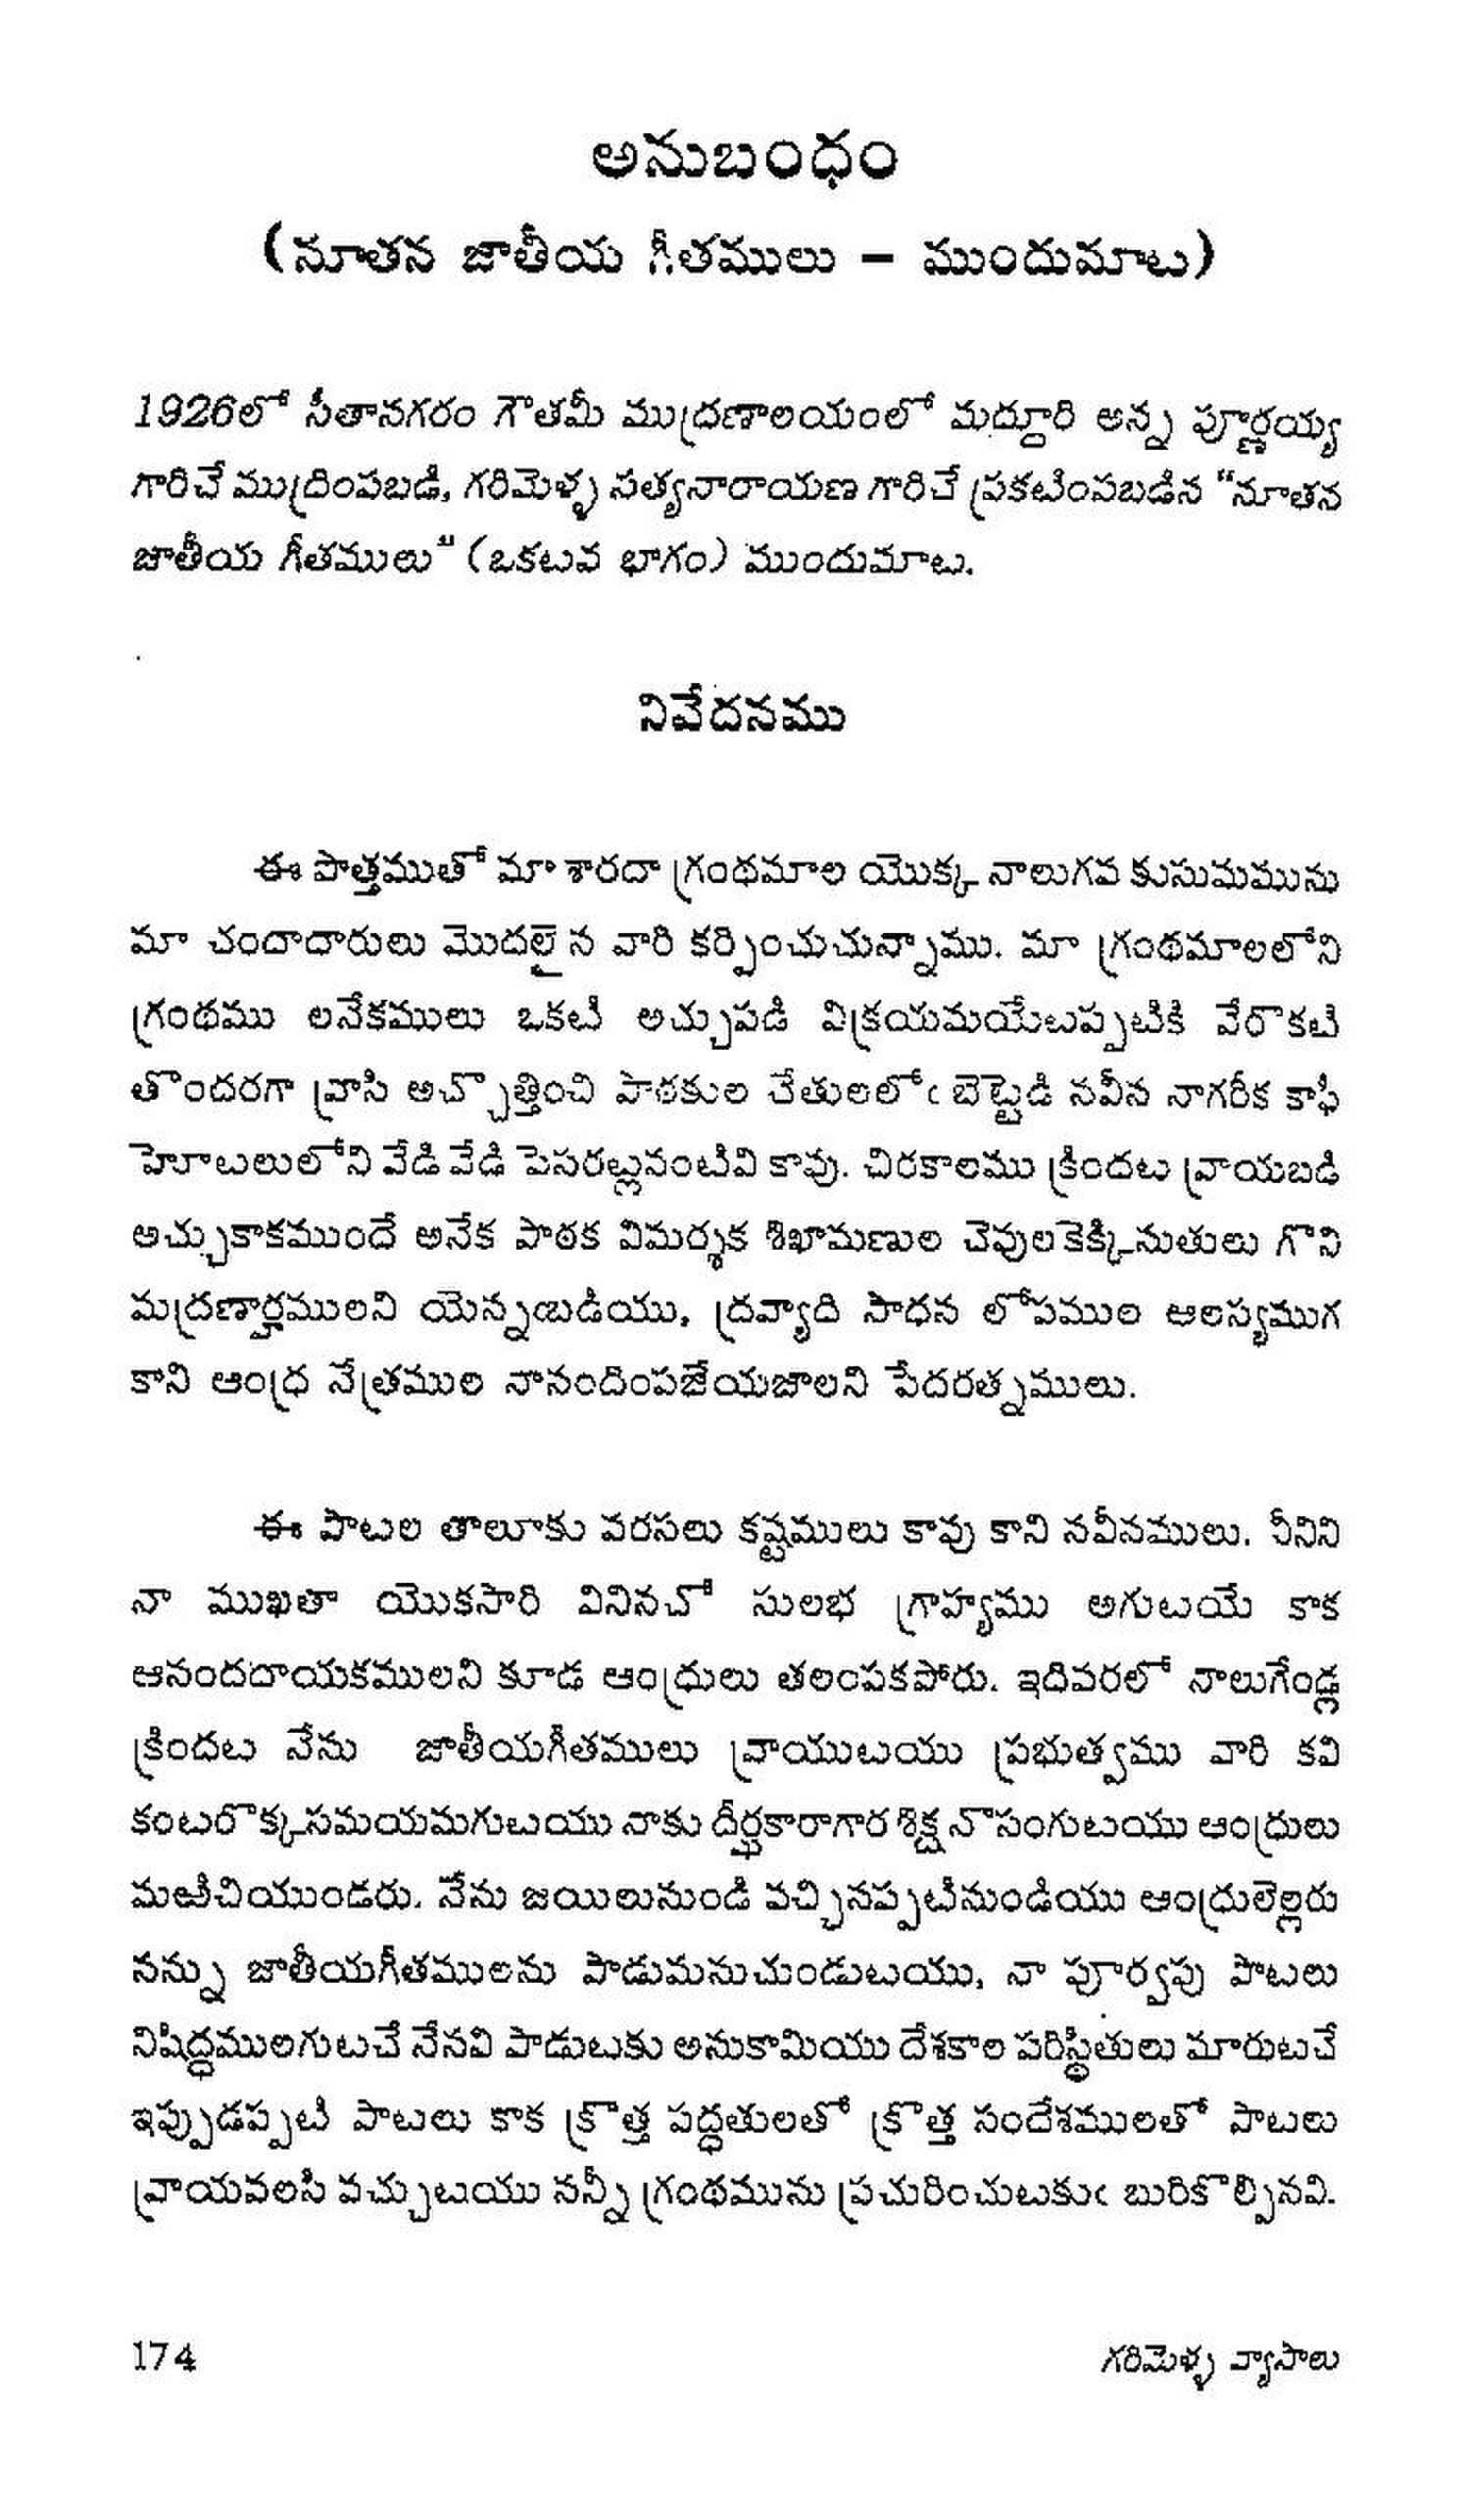అనుబంధం

(నూతన జాతీయ గీతములు - ముందుమాట)

1926లో సీతానగరం గౌతమీ ముద్రణాలయంలో మద్దూరి అన్నపూర్ణయ్యగారిచే ముద్రింపబడి, గరిమెళ్ళ సత్యనారాయణ గారిచే ప్రకటింపబడిన "నూతన జీతీయ గీతములు" (ఒకటవ భాగం) ముందుమాట

నివేదనము
 
ఈ పొత్తముతో మా శారదా గ్రంథమాల యొక్క నాలుగవ కుసుమమును మా చందాదారులు మొదలైన వారి కర్పించుచున్నాము. మా గ్రంథమాలలోని గ్రంథము లనేకములు ఒకటి అచ్చుపడి విక్రయమయేటప్పటికి వేరొకటి తొందరగా వ్రాసి అచ్చొత్తించి పాఠకుల చేతులలోఁ బెట్టెడి నవీన నాగరీక కాఫీ హోటలులోని వేడి వేడి పెసరట్లవంటివి కావు. చిరకాలము క్రిందట వ్రాయబడి అచ్చుకాకముందే అనేక పాఠక విమర్శక శిఖామణుల చెవులకెక్కినుతులు గొని ముద్రణార్హములని యెన్నఁబడియు, ద్రవ్యాది సాధన లోపముల ఆలస్యముగ కాని ఆంధ్ర నేత్రముల నానందింపజేయజాలని పేదరత్నములు.

 
ఈ పాటల తాలూకు వరసలు కష్టములు కావు కాని నవీనములు. వీనిని నా ముఖతా యొకసారి వినినచో సులభ గ్రాహ్యము అగుటయే కాక ఆనందదాయకములని కూడ ఆంధ్రులు తలంపకపోరు. ఇదివరలో నాలుగేండ్ల క్రిందట నేను జాతీయగీతములు వ్రాయుటయు ప్రభుత్వము వారి కవి కంటరొక్కసమయమగుటయు నాకు దీర్ఘకారాగారశిక్ష నొసంగుటయు ఆంధ్రులు మఱిచియుండరు. నేను జయిలునుండి వచ్చినప్పటినుండియు ఆంధ్రులెల్లరు నన్ను జాతీయగీతములను పాడుమనుచుండుటయు, నాపూర్వపు పాటలు నిషిద్ధములగుటచే నేనవి పాడుటకు అనుకామియు దేశకాల పరిస్థితులు మారుటచే ఇప్పుడప్పటి పాటలు కాక క్రొత్త పద్దతులతో క్రొత్త సందేశములతో పాటలు వ్రాయవలసి వచ్చుటయు నన్నీ గ్రంథమును ప్రచురించుటకుఁ బురికొల్పినవి.